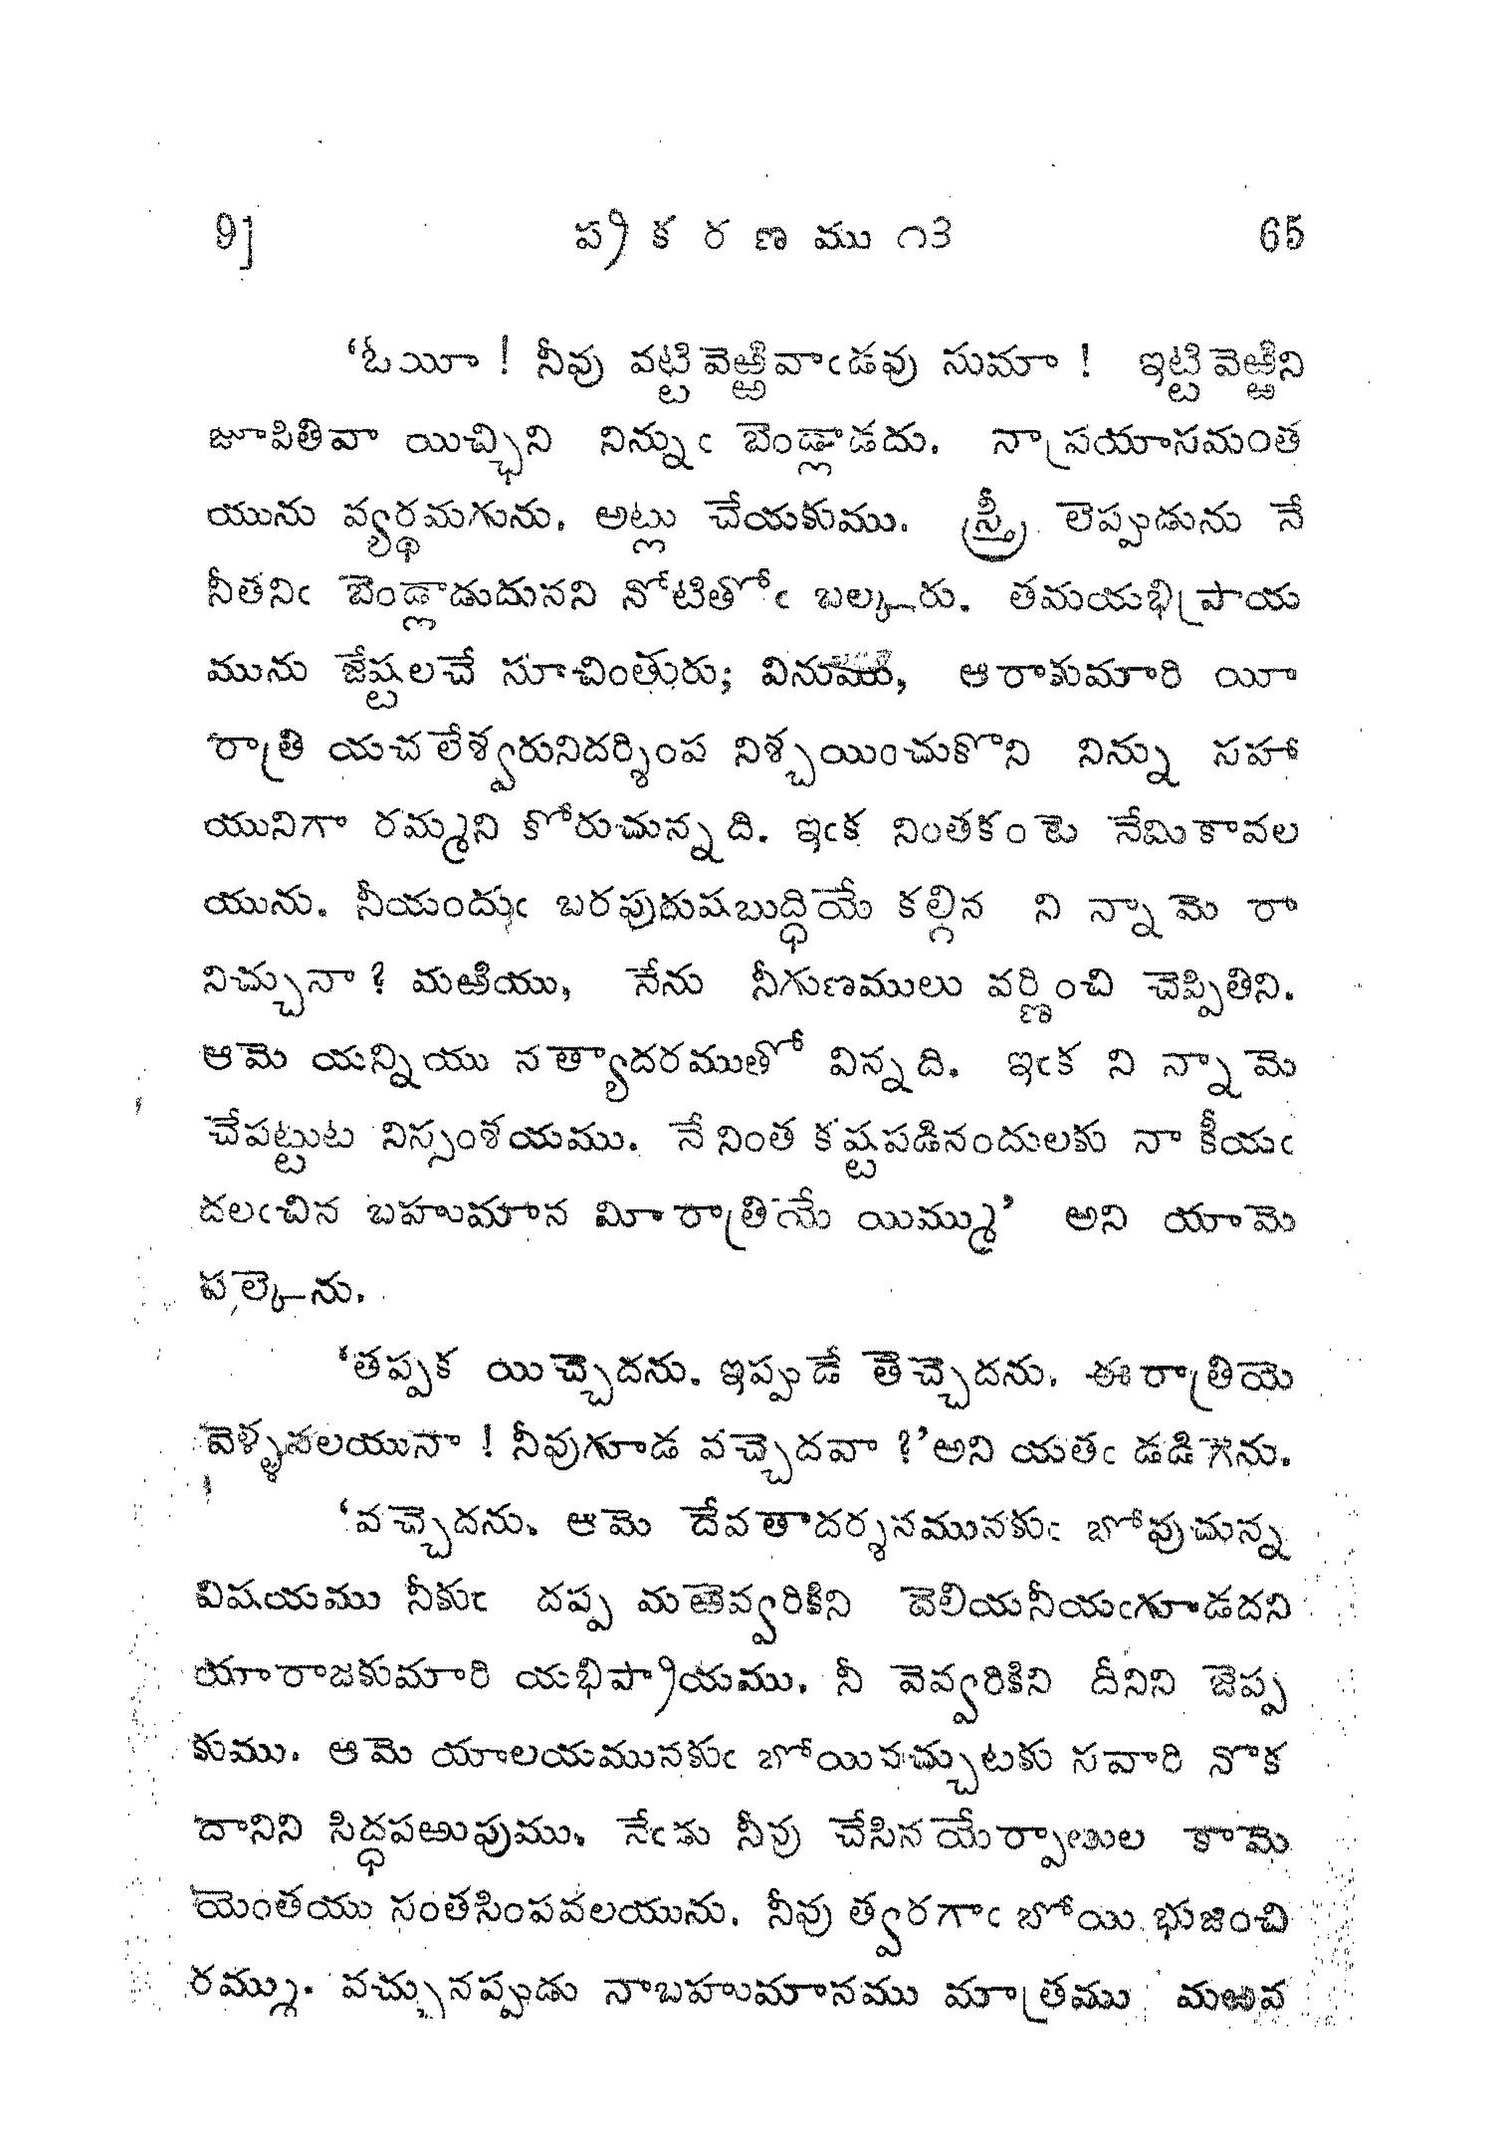ఓయీ ! నీవు వట్టి వెర్రి వాఁడవు సుమా ! ఇట్టి వెర్రిని జూపితివా యిచ్ఛిని నిన్నుఁ బెండ్లాడదు. నా ప్రయాసమంత యును వ్యర్థమగును. అట్లు చేయకుము. స్త్రీ. లెప్పుడును నే నీతనిఁ "బెండ్లాడుదునని నోటితోఁ బల్కరు. తమయభిప్రాయ మును జేష్టలచే సూచింతురు; వినుము, ఆ రాకుమారి యీ రాత్రి యచ లేశ్వరునిదర్శింప నిశ్చయించుకొని నిన్ను సహా యునిగా రమ్మని కోరుచున్నది. ఇంక నింతకంటే 'నేమి కావల యును. నీయందుఁ బర పురుష బుద్ధియే కల్గిన నిన్నా మె రా నిచ్చునా ? మఱియు, నేను నీగుణములు వర్ణించి చెప్పితిని. ఆమె యన్ని యు నత్యాదరముతో విన్నది. ఇఁక ని న్నా మె చేపట్టుట నిస్సంశయము. నేనింత కష్టపడి నందులకు నా కీయఁ డలఁచిన బహుమాన మీరాత్రియే యిమ్ము' అని యామె పల్కెను.

'తప్పక యిచ్చెదను. ఇప్పుడే తెచ్చెదను. ఈ రాత్రీయే వెళ్ళవలయునా ! నీవుగూడ వచ్చెదవా ?'అని యతఁ డడిగెను.

“వచ్చెదను. ఆమె దేవ తాదర్శనమునకు: బోవుచున్న విషయము నీకుఁ దప్ప మెరెవ్వరికిని వెలియనీయఁగూడదని యా రాజకుమారి యభిప్రాయము, నీ వెవ్వరికిని దీనిని జెప్ప కుము. ఆమె యాలయమునకుఁ బోయివచ్చుటకు సవారి నొక దానిని సిద్ధపఱుపుము, నేఁడు నీవు చేసిన యేర్పాటుల కామె 'యెంతయు సంతసింపవలయును. నీవు త్వరగాఁ బోయి. భుజించి రమ్ము. వచ్చునప్పుడు నా బహుమానము మాత్రము మఱవ